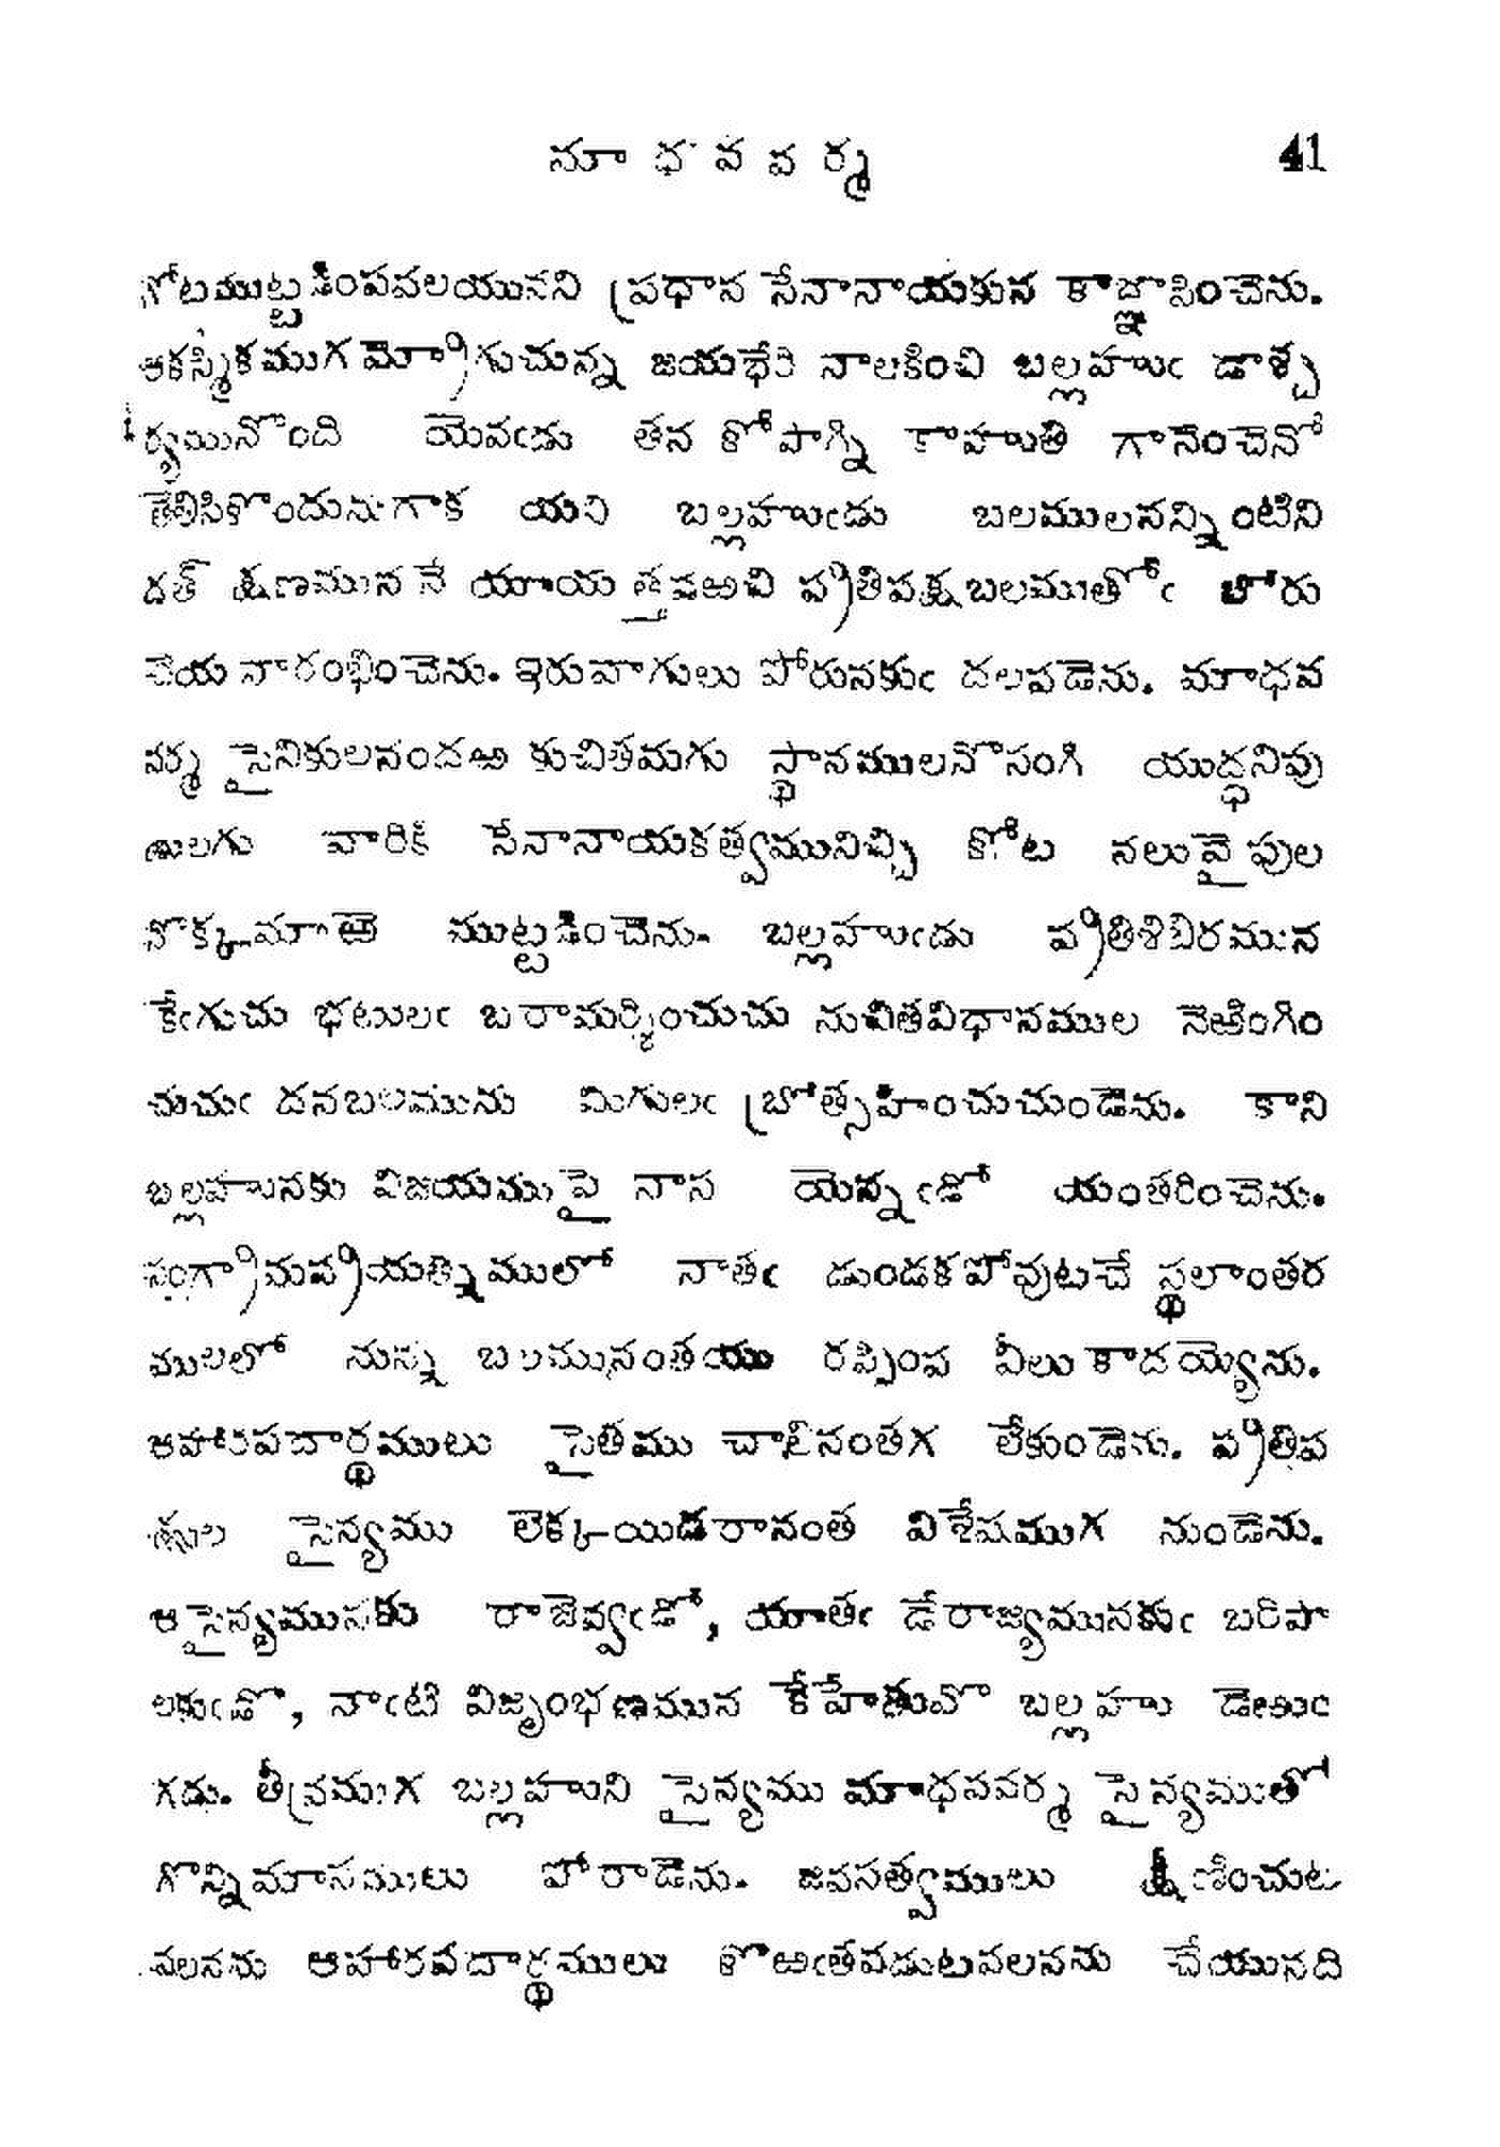గోటముట్టడింప వలయునని ప్రధాన సేనానాయకున కాజ్ఞాపించెను. ఆకస్మికముగ మ్రోగుచున్న జయభేరి నాలకించి బల్లహు డాశ్చర్యమునొంది యెవడు తస్న కోపాగ్ని కాహుతి గానెంచెనో తెలిసికొందునుగాక యని బల్లహుడు బలములనన్నింటిని దత్ క్షణముననే యాయత్త పఱచి ప్రతిపక్ష బలముతో బోరుచేయ నారంభించెను. ఇరువాగులు పోరునకు దలపడెను. మాధవవర్మ సైనికులనందఱ కుచితమగు స్థానములనొసంగి యుద్ధనిపుణులగు వారికి సేనానాయకత్వమునిచ్చి కోట నలువైపుల నొక్కమాఱె ముట్టడించెను. బల్లహుడు ప్రతిశిబిరమున కేగుచు భటుల బరామర్శించుచు నుచితవిధానముల నెఱింగించుచు దనబలమును మిగుల బ్రోత్సహించు చుండెను. కాని బల్లహునకు విజయముపై నాస యెన్నడో యంతరించెను. సంగ్రామప్రయత్నములో నాత డుండకపోవుటచే స్థలాంతరములలో నున్న బలమునంతయు రప్పింప వీలు కాదయ్యెను. ఆహారపదార్థములు సైతము చాలినంతగ లేకుండెను. ప్రతిపక్షుల సైన్యము లెక్కయిడరానంత విశేషముగ నుండెను. ఆసైన్యమునకు రాజెవ్వడో, యాత డేరాజ్యమునకు బరిపాలకుడొ, నాటి విజృంభణమున కేహేతువొ బల్లహు డెఱుంగడు. తీవ్రముగ బల్లహుని సైన్యము మాధవవర్మ సైన్యముతో గొన్నిమాసములు పోరాడెను. జవసత్వములు క్షీణించుటవలనను ఆహారపదార్థములు కొఱతపడుటవలనను చేయునది